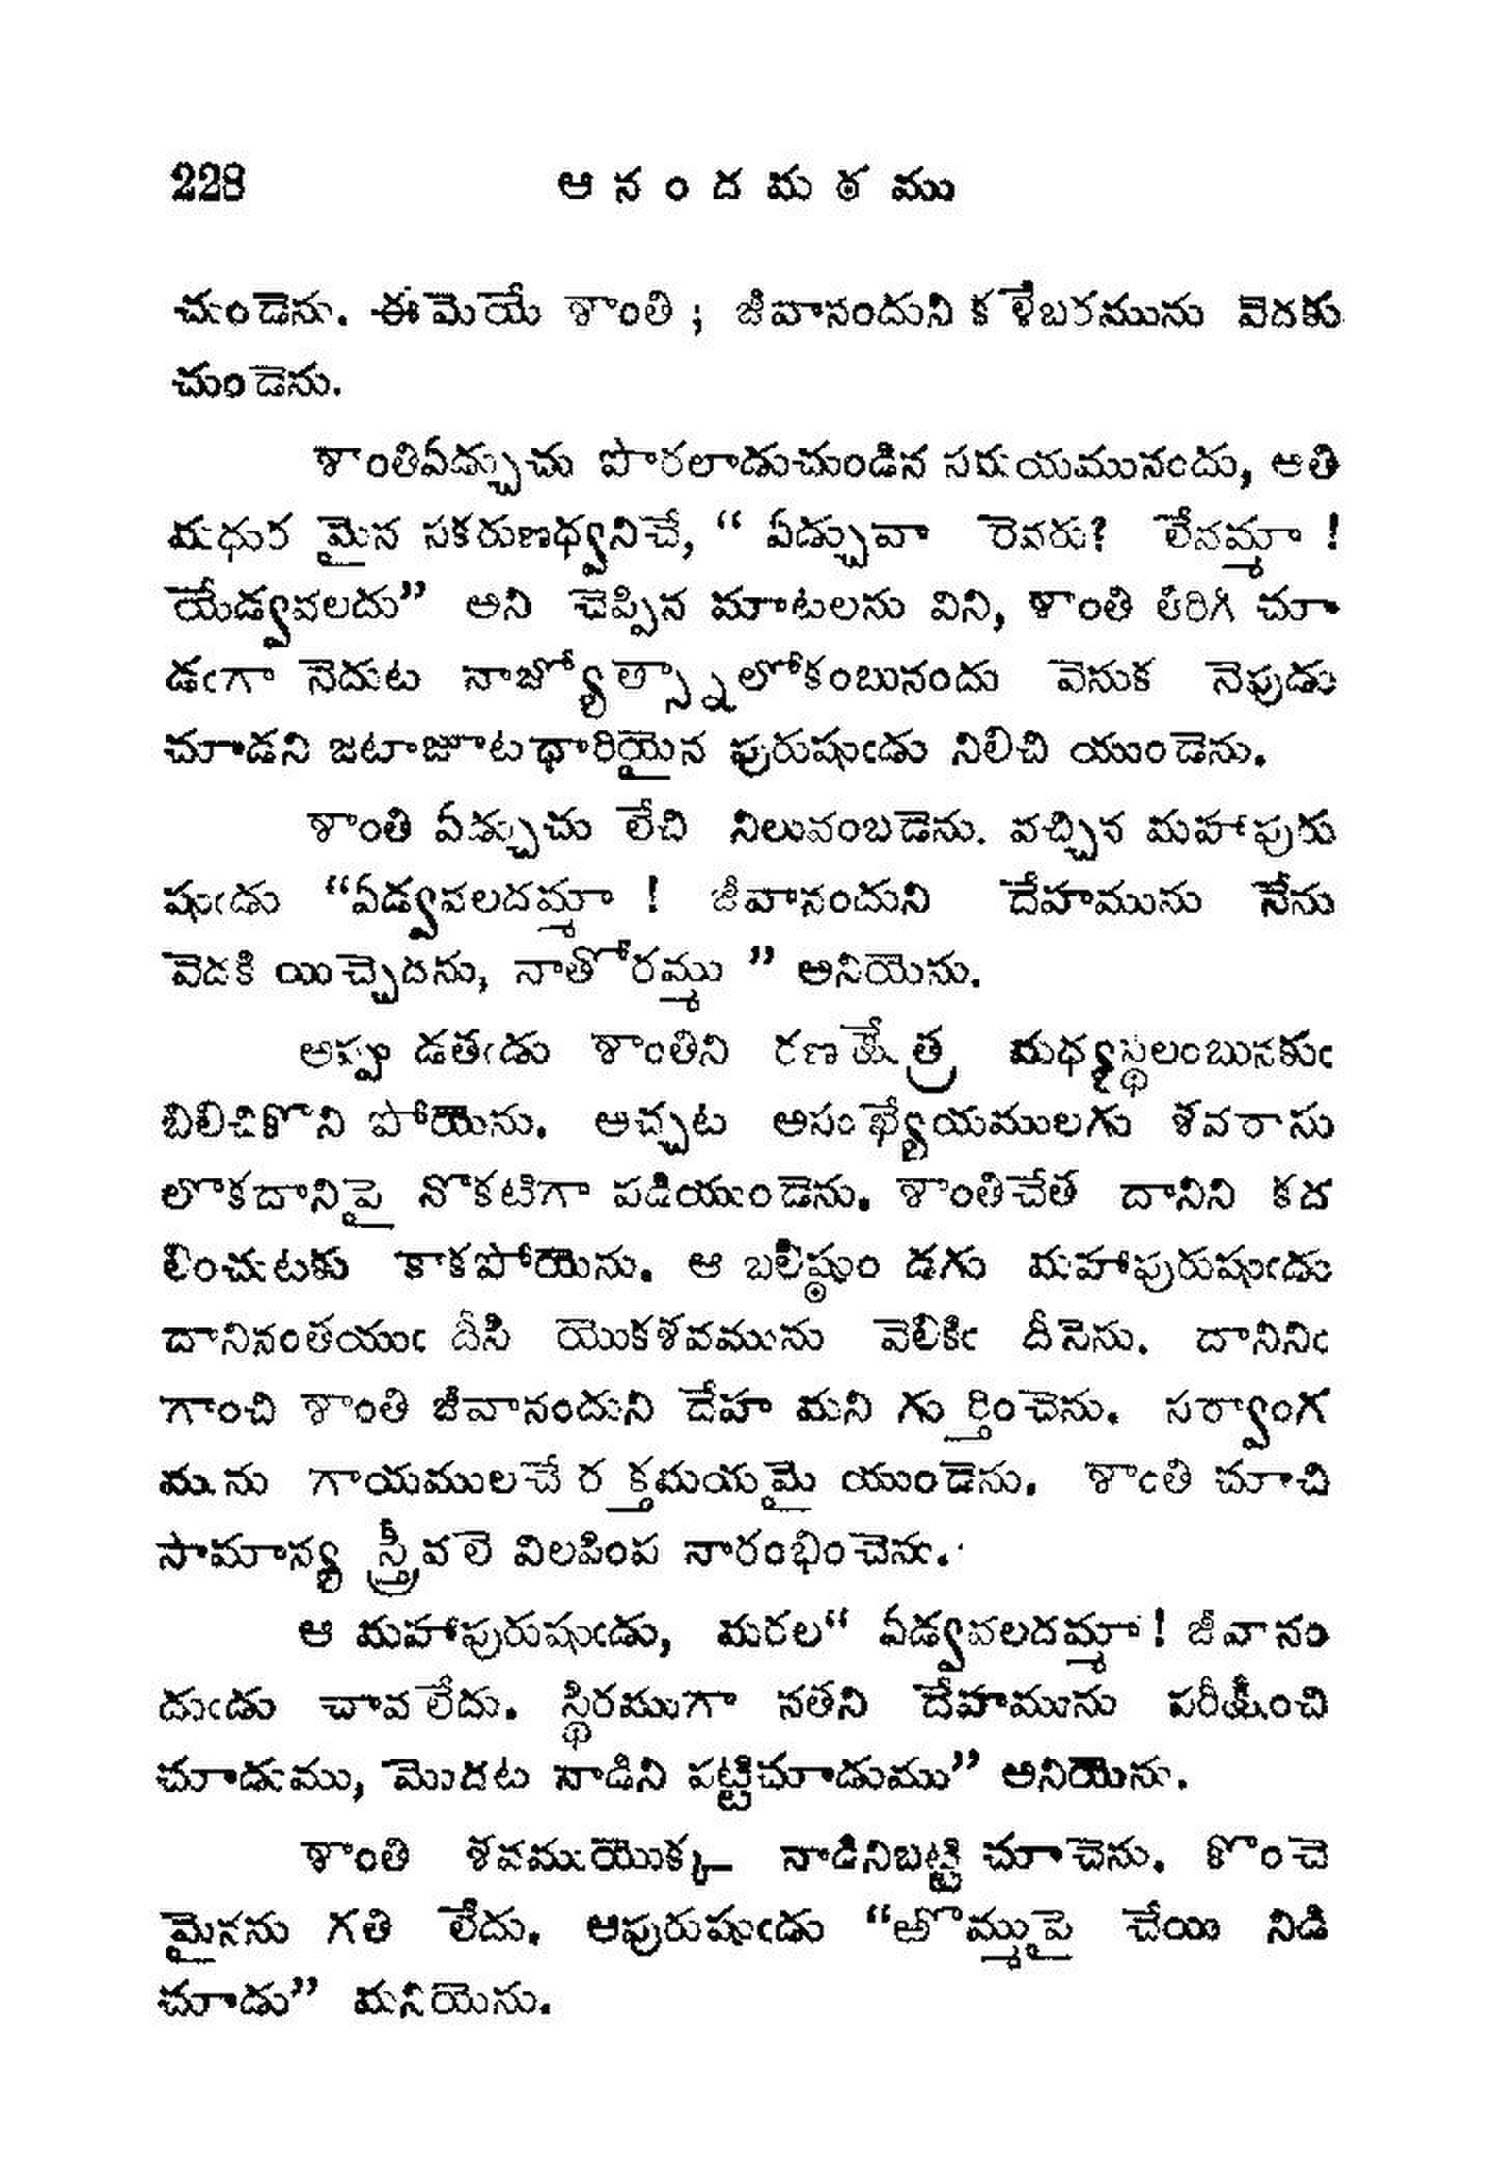చుండెను. ఈమెయే శాంతి; జీవానందుని కళేబరమును వెదకుచుండెను.

శాంతిఏడ్చుచు పొరలాడుచుండిన సమయమునందు, అతి మధుర మైన సకరుణధ్వనిచే, “ ఏడ్చువా రెవరు? లేవమ్మా !
యేడ్వవలదు” అని చెప్పిన మాటలను విని, శాంతి తిరిగి చూడఁగా నెదుట నాజ్యోత్స్నాలోకంబునందు వెనుక నెపుడు
చూడని జటాజూటధారియైన పురుషుఁడు నిలిచి యుండెను.

శాంతి ఏడ్చుచు లేచి నిలువంబడెను. వచ్చిన మహాపురుషుఁడు “ఏడ్వవలదమ్మా ! జీవానందుని దేహమును నేను వెదకి యిచ్చెదను, నాతోరమ్ము ” అనియెను.

అప్పు డతఁడు శాంతిని రణక్షేత్ర మధ్యస్థలంబునకుఁ బిలిచికొని పోయెను. అచ్చట అసంఖ్యేయములగు శవరాసులొకదానిపై నొకటిగా పడియుండెను. శాంతిచేత దానిని కదలించుటకు కాకపోయెను. ఆ బలిష్ఠుం డగు మహాపురుషుఁడు
దానినంతయుఁ దీసి యొకశవమును వెలికిఁ దీసెను. దానినిఁ గాంచి శాంతి జీవానందని దేహ మని గుర్తించెను. సర్వాంగమును గాయములచే రక్తమయమై యుండెను. శాంతి చూచి సామాన్య స్త్రీవలె విలపింప నారంభించెను.

ఆ మహాపురుషుఁడు, మరల" ఏడ్వవలదమ్మా ! జీవానందుఁడు చావలేదు. స్థిరముగా నతని దేహమును పరీక్షించి చూడుము, మొదట నాడిని పట్టిచూడుము” అనియెను.

శాంతి శవము యొక్క నాడినిబట్టి చూచెను. కొంచెమైనను గతి లేదు. ఆపురుషుఁడు “ఱొమ్ముపై చేయి నిడి చూడు” మనియెను.